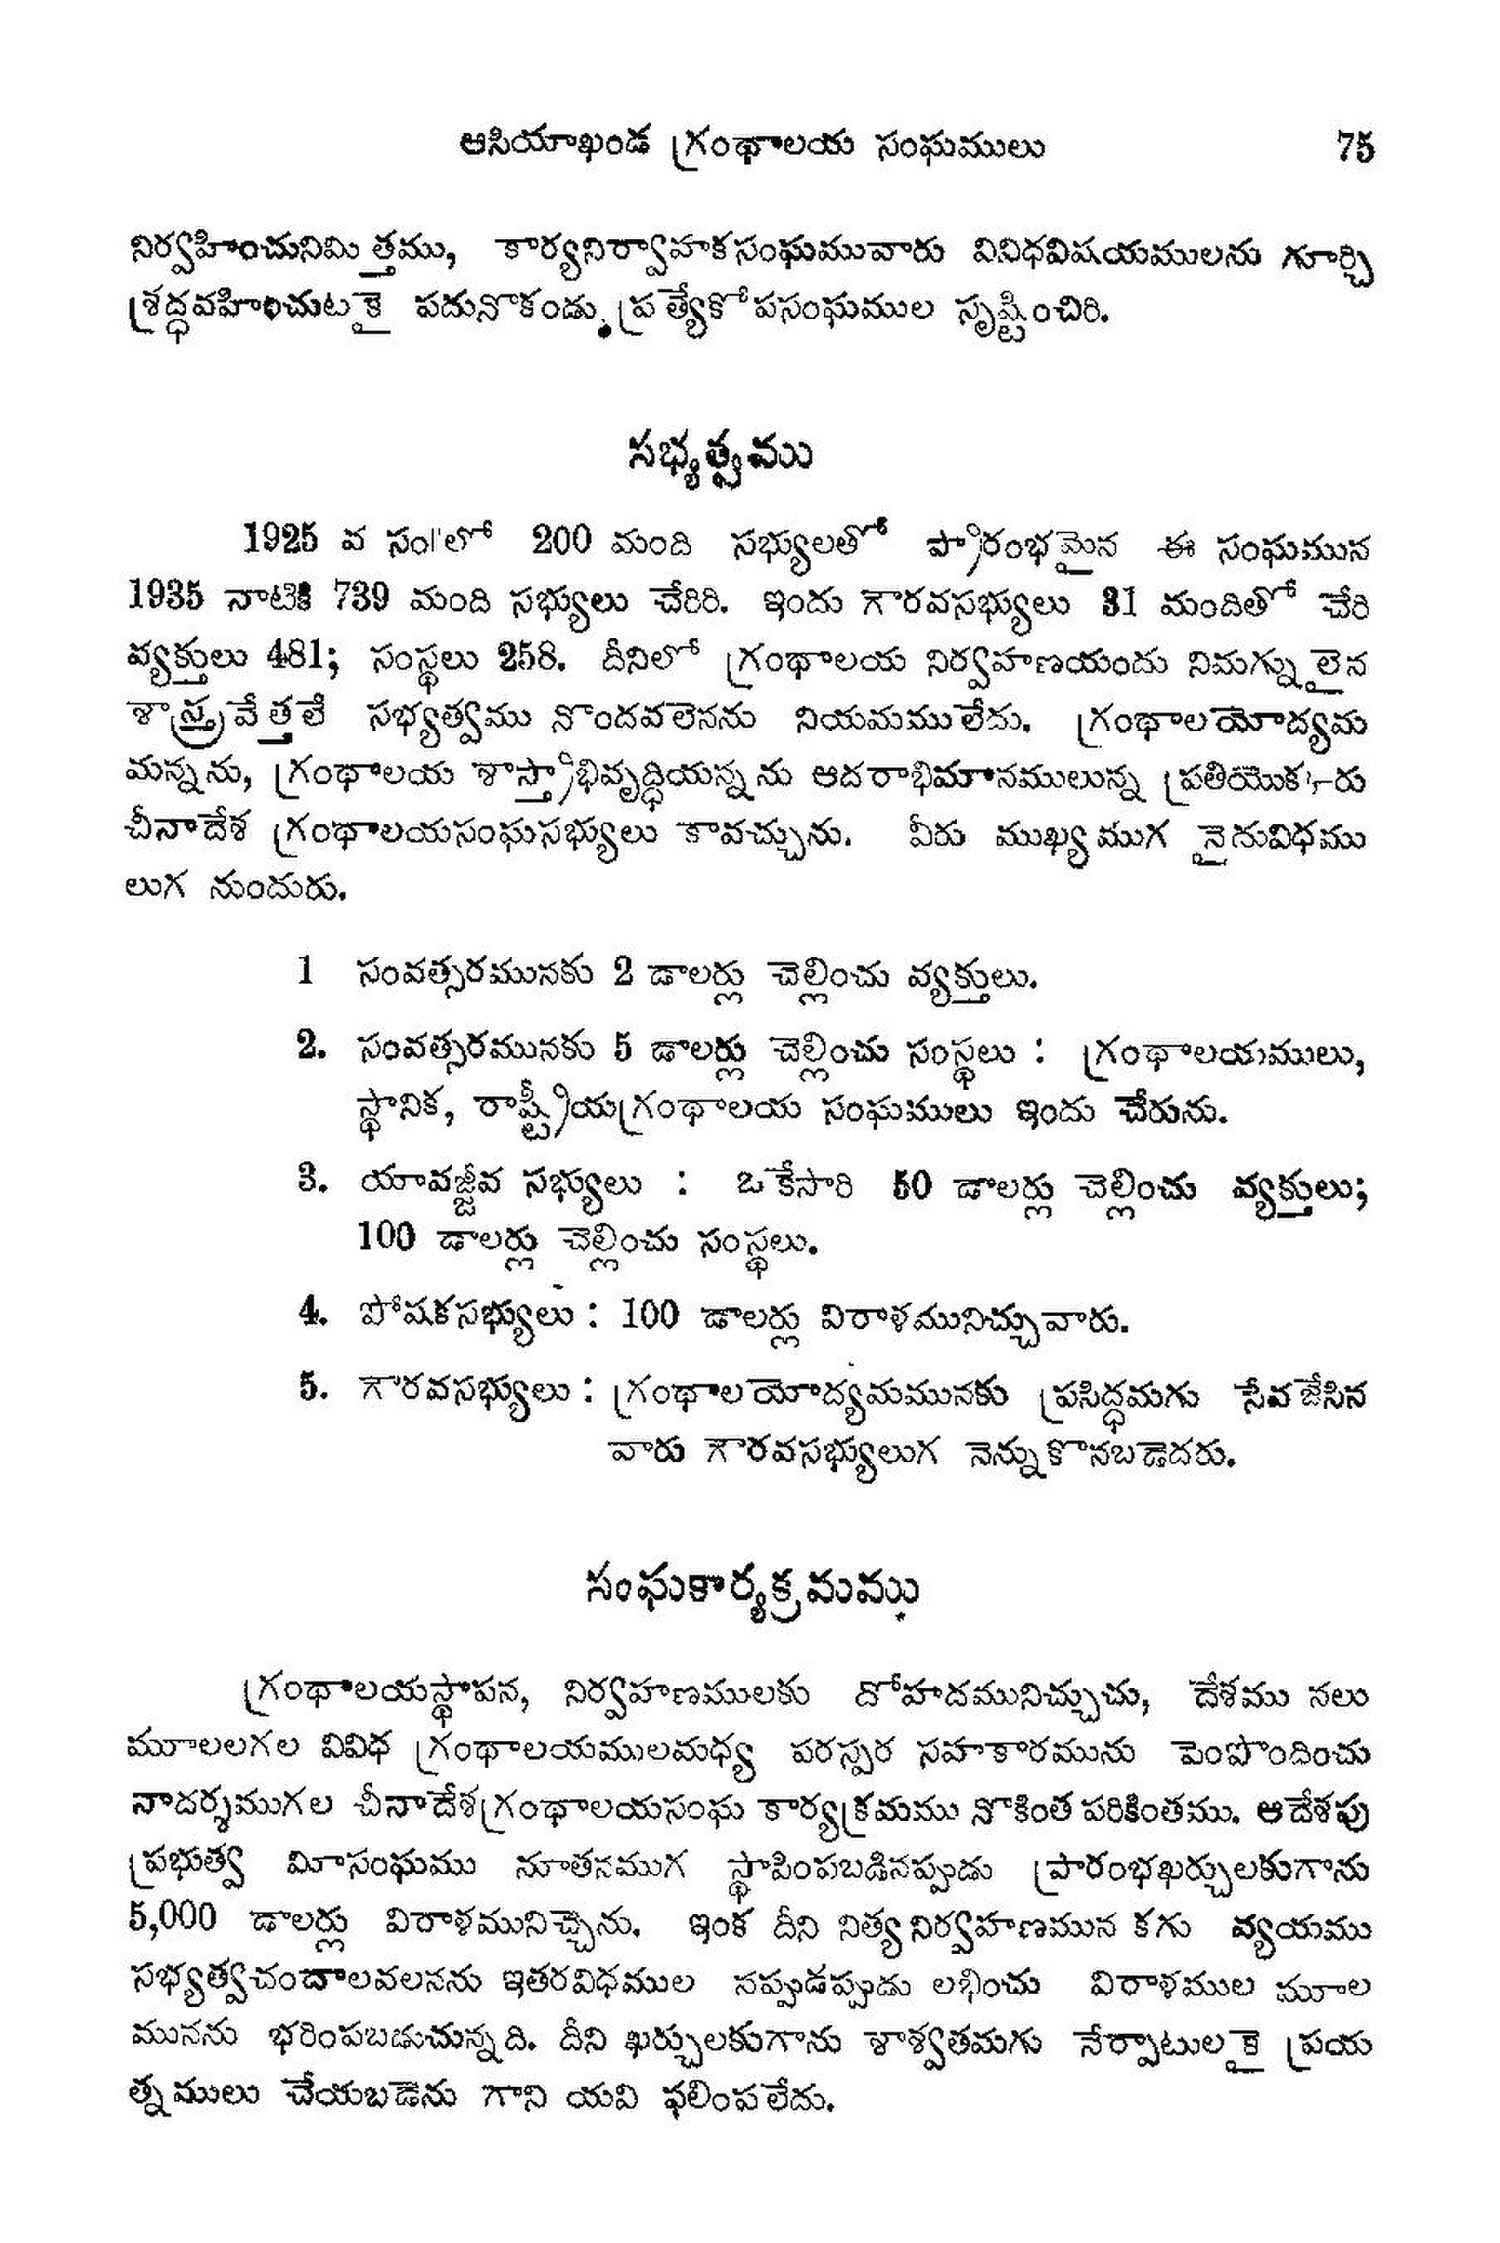నిర్వహించునిమిత్తము, కార్యనిర్వాహక సంఘమువారు వివిధవిషయములను గూర్చి శ్రద్ధవహించుటకై పదునొకండు 
ప్రత్యేకోపసంఘముల సృష్టించిరి.

1925వ సం॥లో 200 మంది సభ్యులతో ప్రారంభమైన ఈసంఘమున 1935 నాటికి 739 మంది సభ్యులు చేరిరి. ఇందు 
గౌరవసభ్యులు 31 మందితో చేరి వ్యక్తులు 481; సంస్థలు 258. దీనిలో గ్రంథాలయ నిర్వహణయందు నిమగ్నులైన శాస్త్రవేత్తలే 
సభ్యత్వము నొందవలెనను నియమము లేదు. గ్రంథాలయోద్యమన్నను, గ్రంథాలయ శాస్త్రాభివృద్ధియన్నను 
ఆదరాభిమానములున్న ప్రతియొక్కరు చీనాదేశ గ్రంథాలయ సంఘసభ్యులు కావచ్చును. వీరు ముఖ్యముగ నైదువిధములుగ 
నుందురు.

 సంవత్సరమునకు 2 డాలర్లు చెల్లించు వ్యక్తులు.
 సంవత్సరమునకు 5 డాలర్లు చెల్లించు సంస్థలు: గ్రంథాలయములు, స్థానిక, రాష్ట్రీయ గ్రంథాలయ సంఘములు ఇందు చేరును.
 యావజ్జీవ సభ్యులు : ఒకేసారి 50 డాలర్లు చెల్లించు వ్యక్తులు; 100 డాలర్లు చెల్లించు సంస్థలు.
 పోషక సభ్యులు : 100 డాలర్లు విరాళమునిచ్చువారు.
 గౌరవసభ్యులు: గ్రంథాలయోద్యమమునకు ప్రసిద్ధమగు సేవజేసిన వారు గౌరవసభ్యులుగు నెన్నుకొనబడెదరు.

గ్రంథాలయస్థాపన, నిర్వహణములకు దోహదమునిచ్చుచు, దేశము నలుమూలలగల వివిధ గ్రంథాలయములమధ్య పరస్పర 
సహకారమును పెంపొందించు నాదర్శముగల చీనాదేశగ్రంథాలయసంఘ కార్యక్రమము నొకింత పరికింతము. ఆ దేశపు
ప్రభుత్వ మీసంఘము నూతనముగ స్థాపింపబడినప్పుడు ప్రారంభఖర్చులకుగాను 5,000 డాలర్లు విరాళమునిచ్చెను. ఇంక దీని 
నిత్యనిర్వహణమునకగు వ్యయము సభ్యత్వచందాలవలనను ఇతర విధముల సప్పుడప్పుడు లభించు విరాళముల మూలమునను భరింపబడుచున్నది. దీని ఖర్చులకుగాను శాశ్వతమగు నేర్పాటులకై ప్రయత్నములు చేయబడెను గాని యవి ఫలింపలేదు.